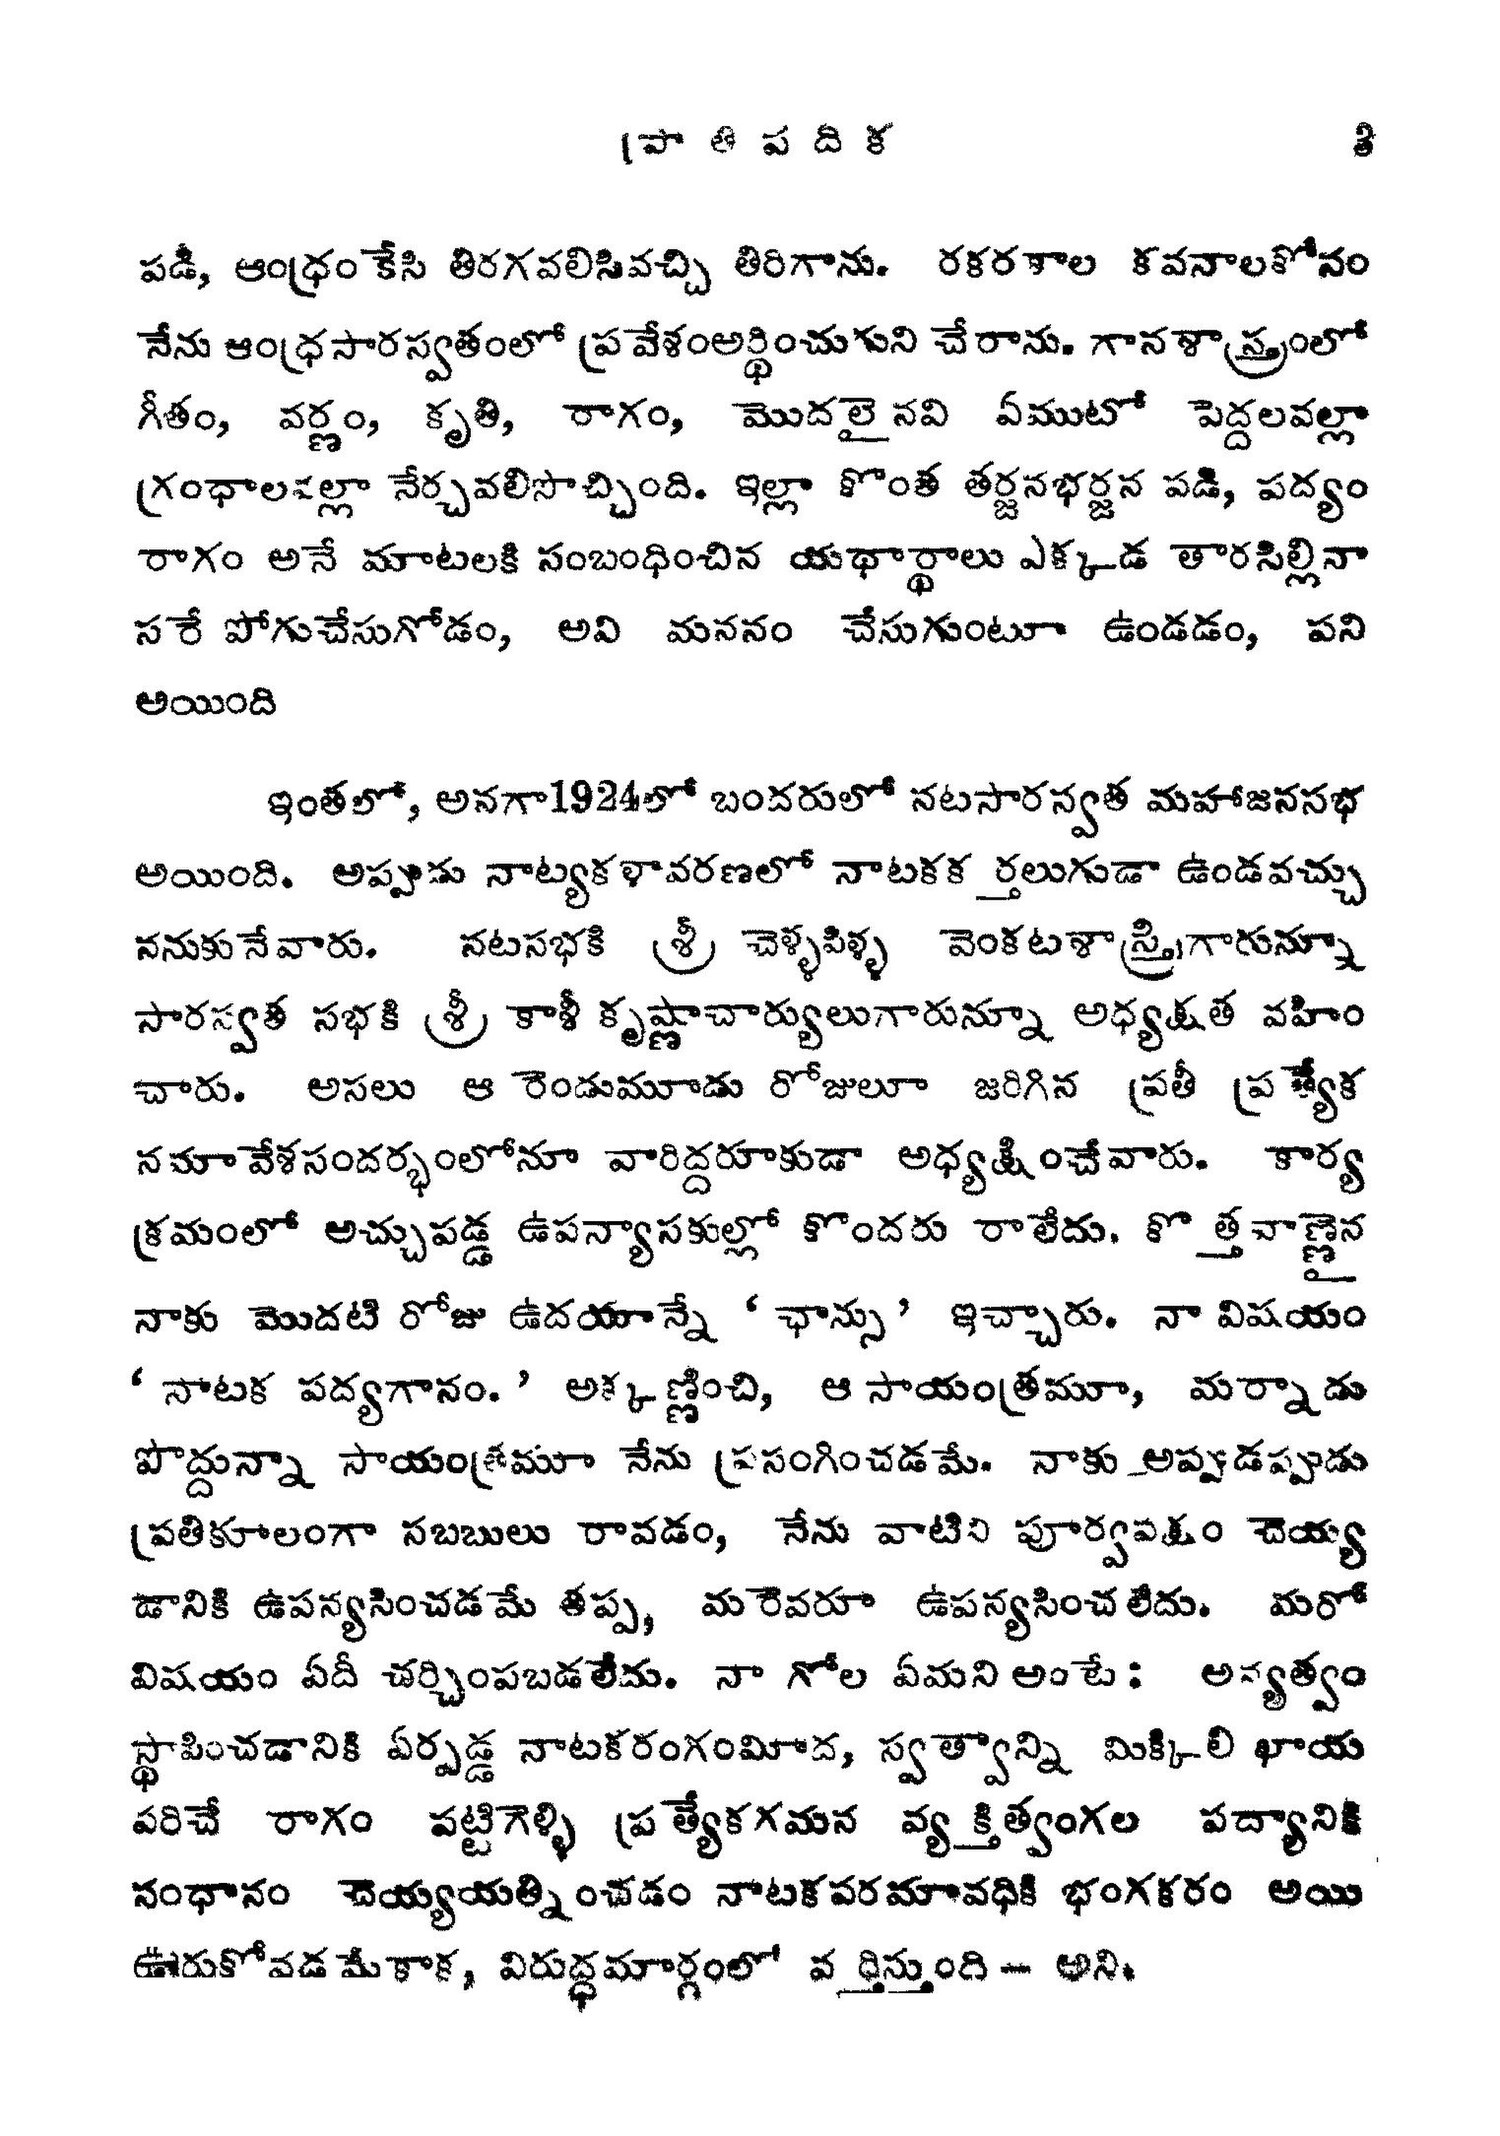పడి, ఆంధ్రంకేసి తిరగవలిసివచ్చి తిరిగాను. రకరకాల కవనాలకోసం
నేను ఆంధ్రసారస్వతంలో ప్రవేశంఅర్థించుకుని చేరాను. గానశాస్త్రంలో
గీతం, వర్ణం, కృతి, రాగం, మొదలైనవి ఏముటో పెద్దలవల్లా
గ్రంధాలవల్లా నేర్చవలిసొచ్చింది. ఇల్లా కొంత తర్జనభర్జన పడి, పద్యం
రాగం అనే మాటలకి సంబంధించిన యథార్థాలు ఎక్కడ తారసిల్లినా
సరే పోగుచేసుగోడం, అవి మననం చేసుగుంటూ ఉండడం, పని
అయింది

ఇంతలో, అనగా 1924లో బందరులో నటసారస్వత మహాజనసభ
అయింది. అప్పుడు నాట్యకళావరణలో నాటకకర్తలుగుడా ఉండవచ్చు
ననుకునేవారు. నటసభకి శ్రీ చెళ్ళపిళ్ళ వెంకటశాస్త్రిగారున్నూ
సారస్వత సభకి శ్రీ కాశీ కృష్ణాచార్యులుగారున్నూ అధ్యక్షత వహిం
చారు. అసలు ఆ రెండుమూడు రోజులూ జరిగిన ప్రతీ ప్రత్యేక
నమావేశసందర్భంలోనూ వారిద్దరూకుడా అధ్యక్షించేవారు. కార్య
క్రమంలో అచ్చుపడ్డ ఉపన్యాసకుల్లో కొందరు రాలేదు. కొత్తవాణ్ణైన
నాకు మొదటి రోజు ఉదయాన్నే 'ఛాన్సు ' ఇచ్చారు. నా విషయం
'నాటక పద్యగానం.' అక్కణ్ణించి, ఆ సాయంత్రమూ, మర్నాడు
పొద్దున్నా సాయంత్రమూ నేను ప్రసంగించడమే. నాకు అప్పుడప్పుడు
ప్రతికూలంగా నబబులు రావడం, నేను వాటిని పూర్వపక్షం చెయ్య
డానికి ఉపన్యసించడమే తప్ప, మరెవరూ ఉపన్యసించలేదు. మరో
విషయం ఏదీ చర్చింపబడలేదు. నా గోల ఏమని అంటే: అన్యత్వం
స్థాపించడానికి ఏర్పడ్డ నాటకరంగంమీద, స్వత్వాన్ని మిక్కిలి ఖయ
పరిచే రాగం వట్టిగెళ్ళి ప్రత్యేకగమన వ్యక్తిత్వంగల పద్యానికి
సంధానం చెయ్యయత్నించడం నాటకపరమావధికి భంగకరం అయి
ఊరుకోవడమేకాక, విరుద్ధమార్గంలో వర్తిస్తుంది - అని.